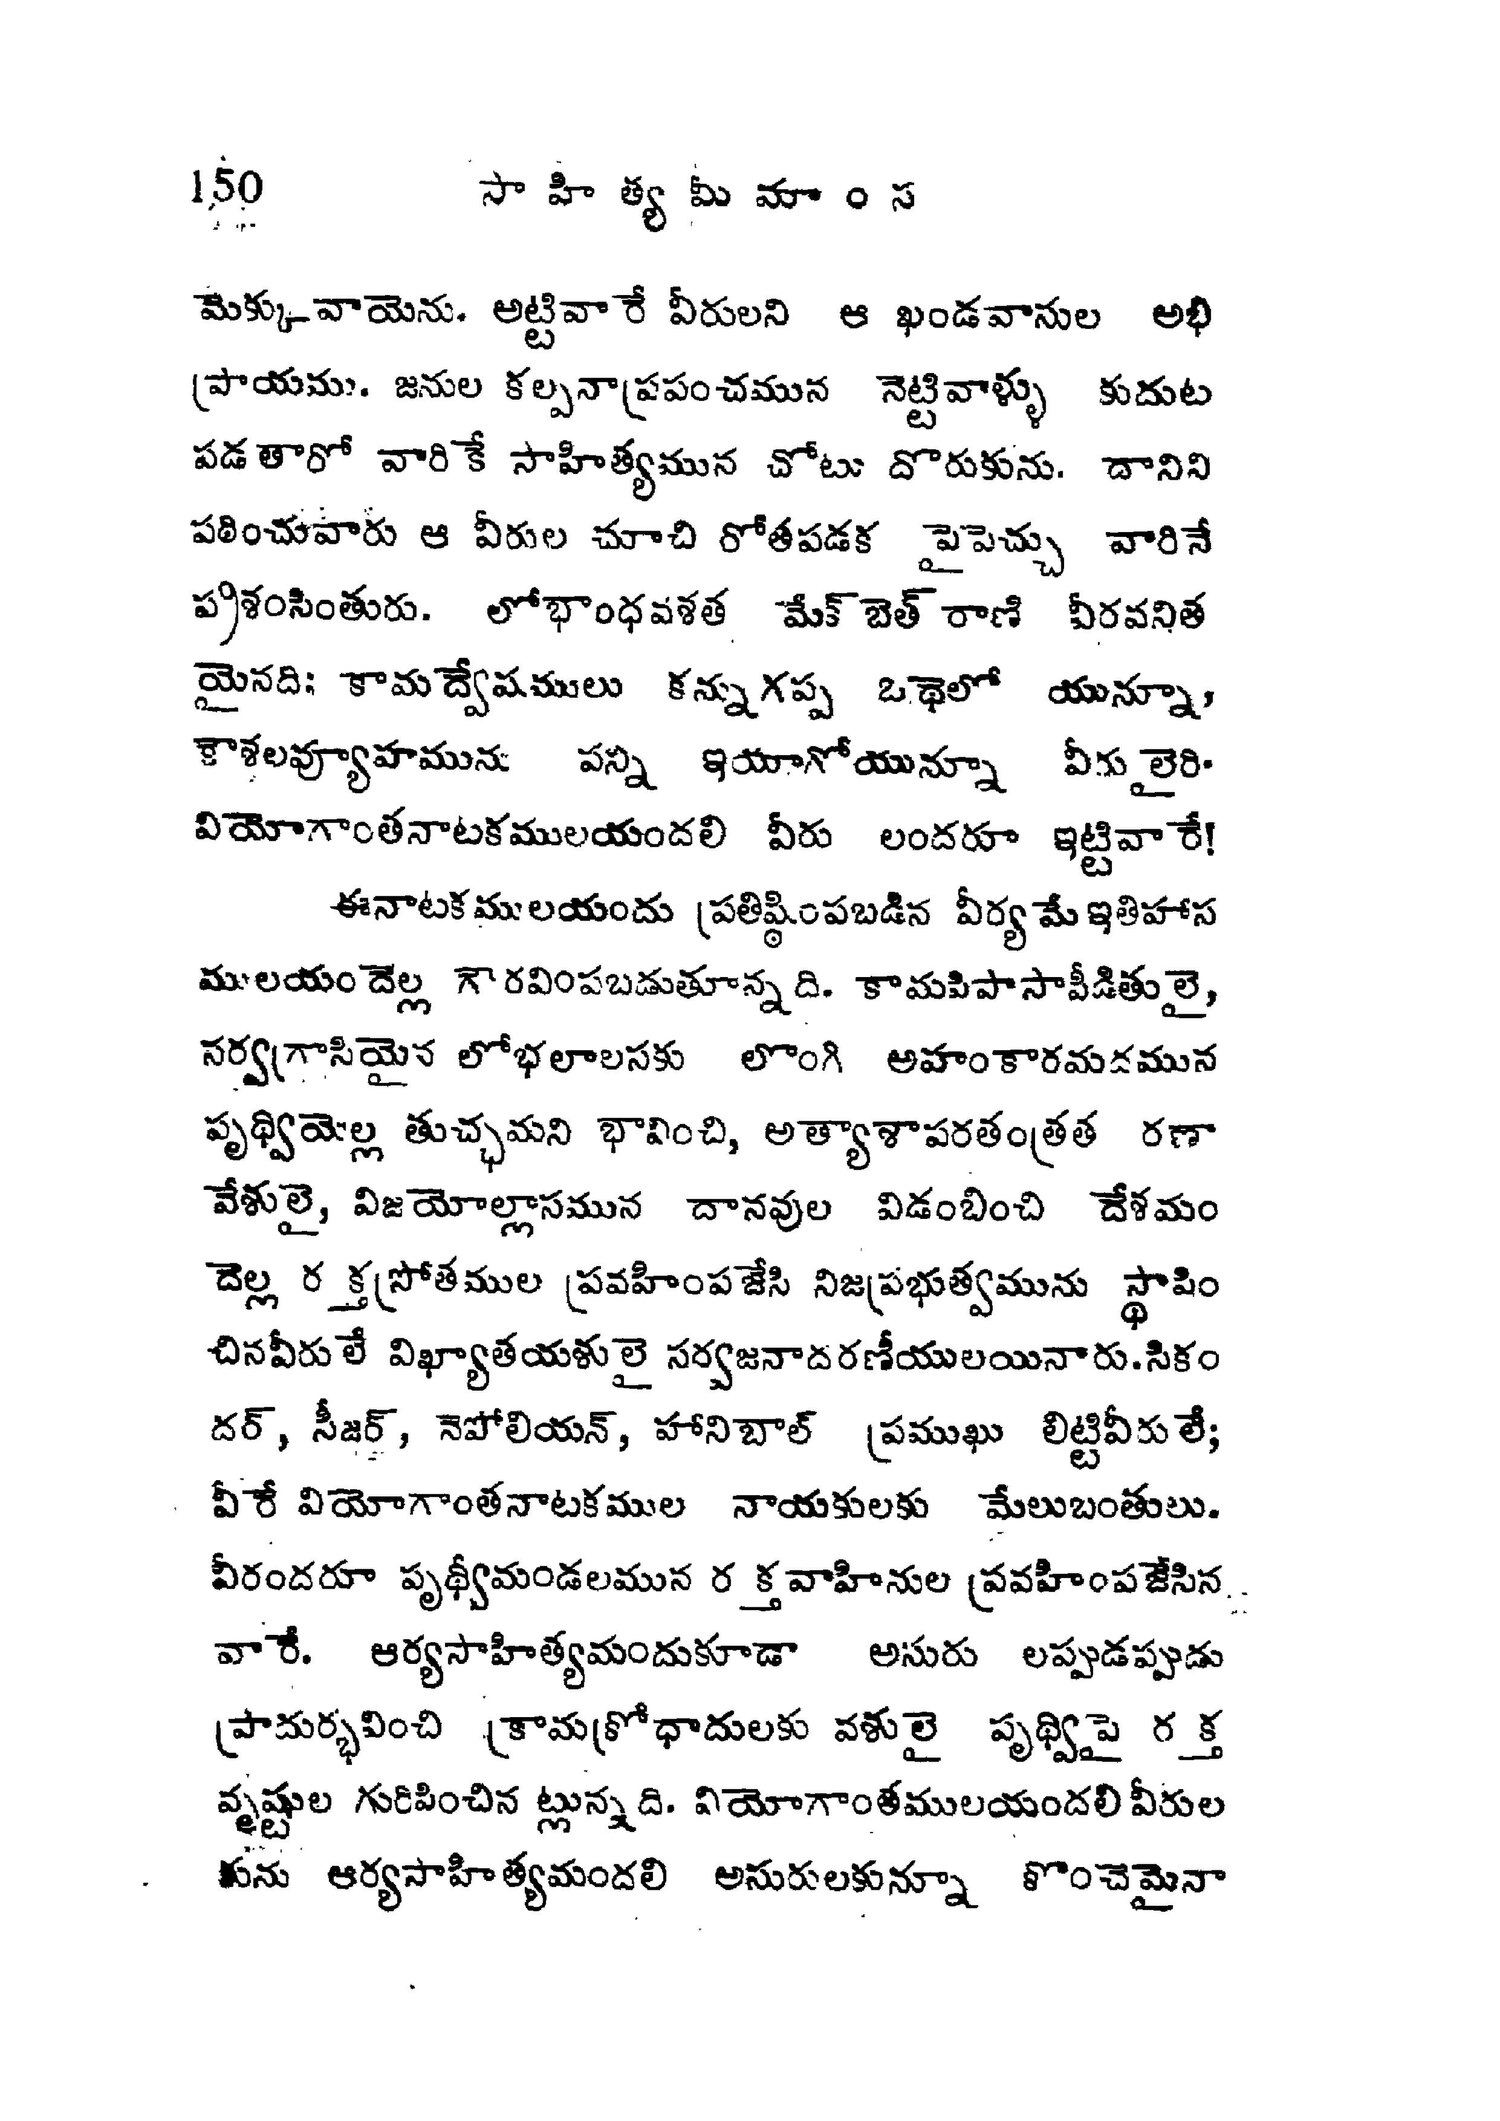మెక్కువాయెను. అట్టివారే వీరులని ఆ ఖండవాసుల అభిప్రాయము. జనుల కల్పనాప్రపంచమున నెట్టివాళ్ళు కుదుట పడతారో వారికే సాహిత్యమున చోటు దొరుకును. దానిని పఠించువారు ఆ వీరుల చూచి రోతపడక పైపెచ్చు వారినే ప్రశంసింతురు. లోభాంధవశత మేక్‌బెత్ రాణి వీరవనిత యైనది. కామద్వేషములు కన్నుగప్ప ఒథెలో యున్నూ, కౌశలవ్యూహమును పన్ని ఇయాగోయున్నూ వీరులైరి. వియోగాంతనాటకములయందలి వీరు లందరూ ఇట్టివారే!

ఈనాటకములయందు ప్రతిష్ఠింపబడిన వీర్యమే ఇతిహాసములయందెల్ల గౌరవింపబడుతూన్నది. కామపిపాసాపీడితులై, సర్వగ్రాసియైన లోభలాలసకు లొంగి అహంకారమదమున పృథ్వియెల్ల తుచ్ఛమని భావించి, అత్యాశాపరతంత్రత రణావేశులై, విజయోల్లాసమున దానవుల విడంబించి దేశమందెల్ల రక్తస్రోతముల ప్రవహింపజేసి నిజప్రభుత్వమును స్థాపించినవీరులే విఖ్యాతయశులై సర్వజనాదరణీయులయినారు. సికందర్, సీజర్, నెపోలియన్, హానిబాల్ ప్రముఖు లిట్టివీరులే; వీరే వియోంగాతనాటకముల నాయకులకు మేలుబంతులు. వీరందరూ పృథ్వీమండలమున రక్తవాహినుల ప్రవహింపజేసిన వారే. ఆర్యసాహిత్యమందుకూడా అసురు లప్పుడప్పుడు ప్రాదుర్భవించి క్రామక్రోధాదులకు వశులై పృథ్వీపై రక్తవృష్టుల గురిపించిన ట్లున్నది. వియోగాంతములయందలి వీరులకును ఆర్యసాహిత్యమందలి అసురులకున్నూ కొంచెమైనా